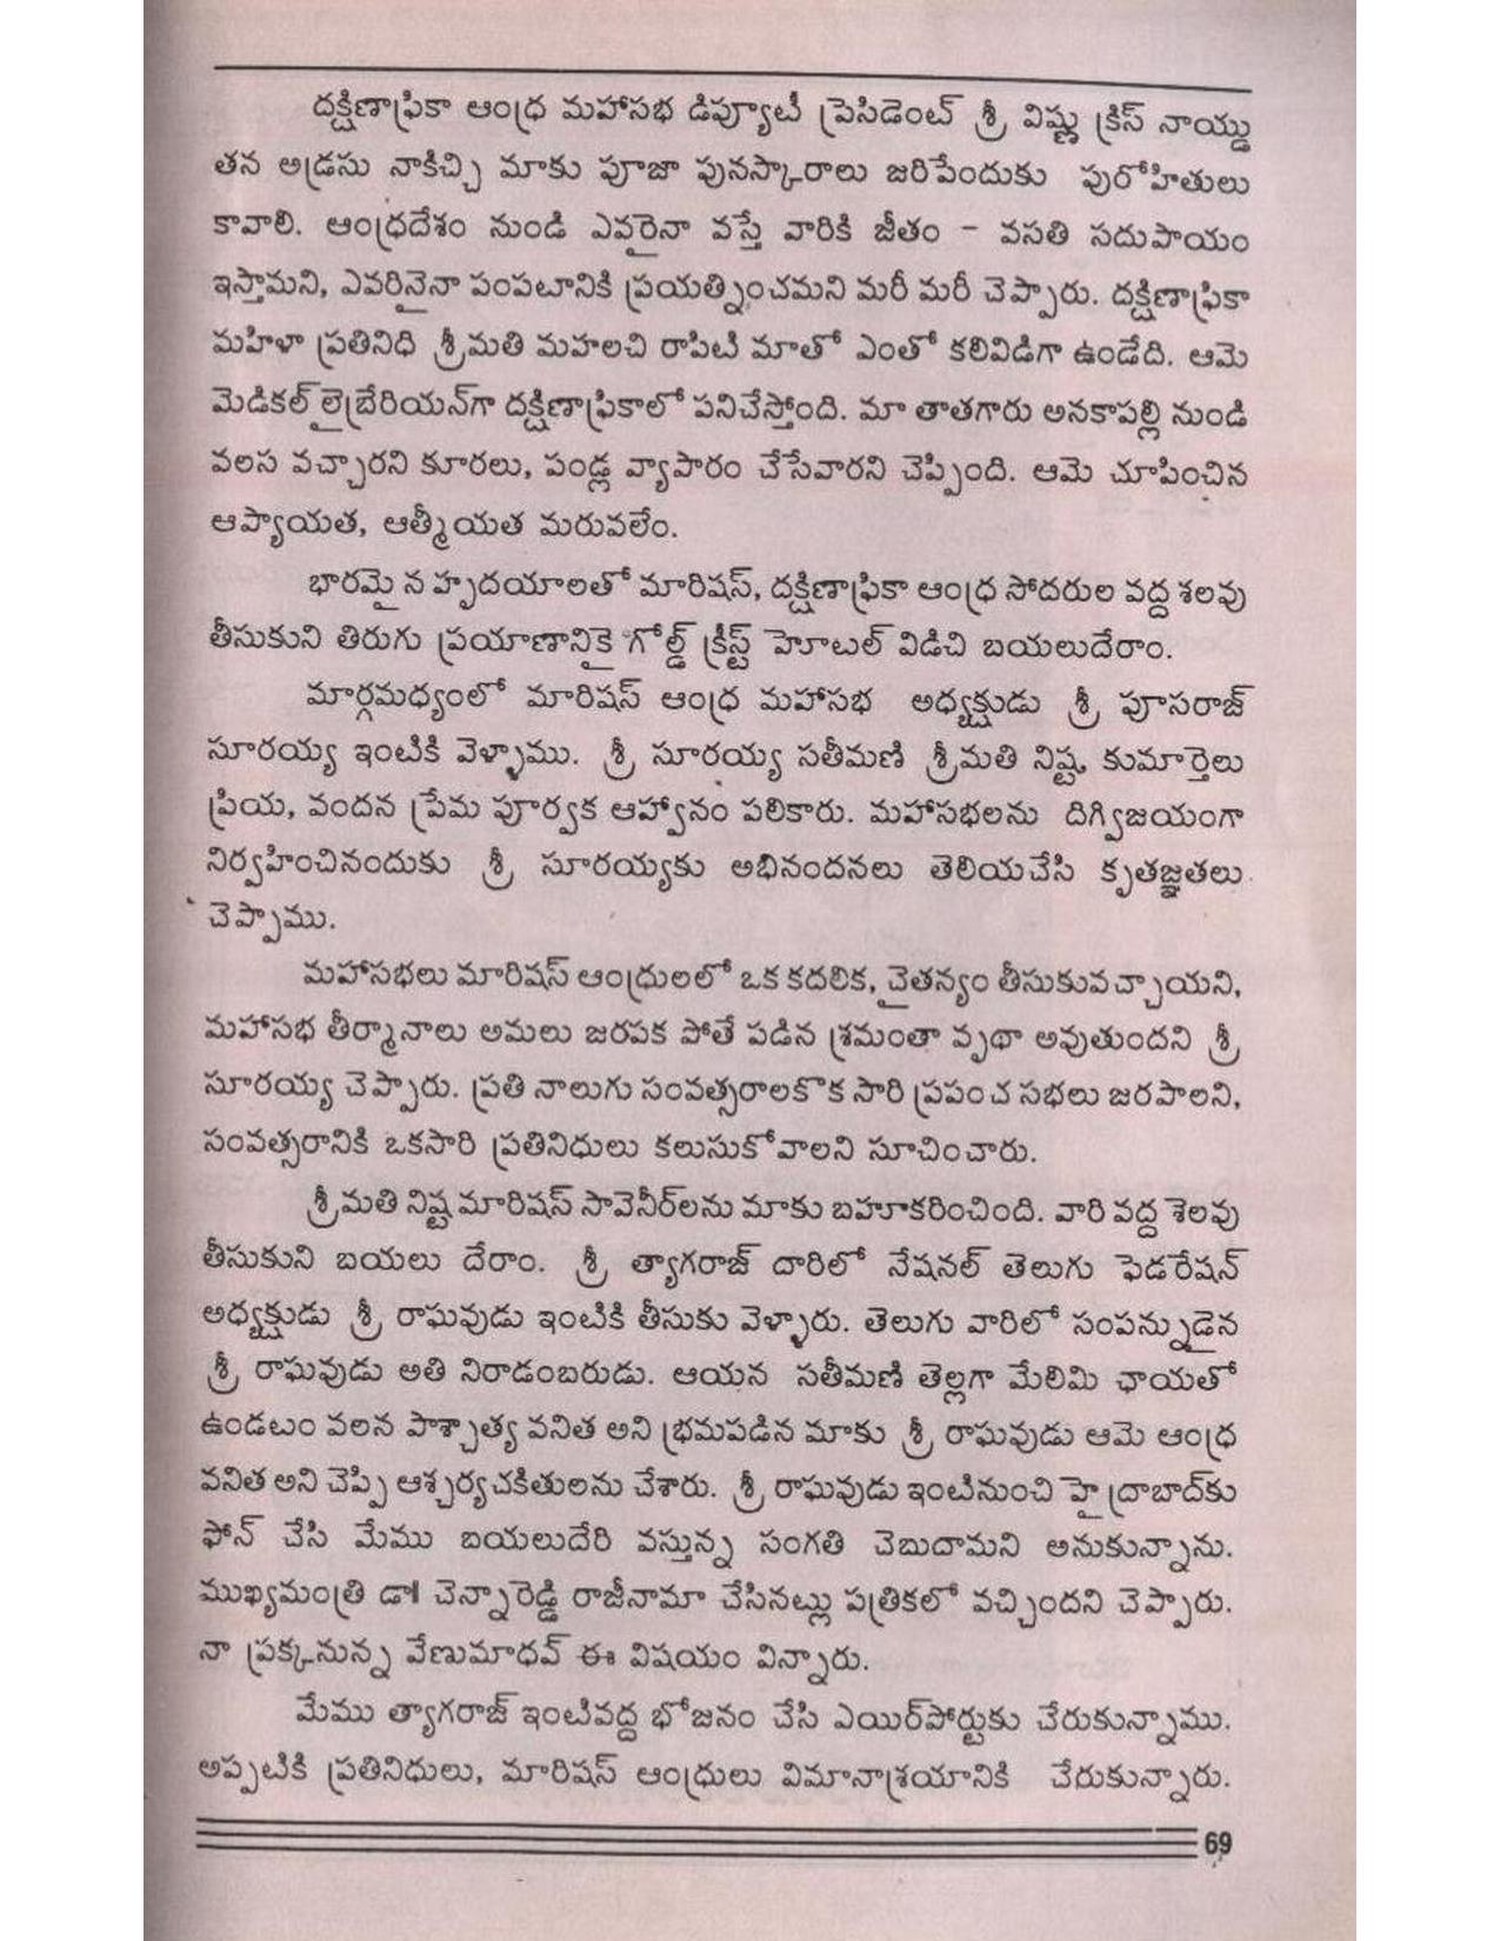దక్షిణాఫ్రికా ఆంధ్ర మహాసభ డిప్యూటీ ప్రెసిడెంట్ శ్రీ విష్ణు క్రిస్ నాయ్డు తన అడ్రసు నాకిచ్చి మాకు పూజా పునస్కారాలు జరిపేందుకు పురోహితులు కావాలి. ఆంధ్రదేశం నుండి ఎవరైనా వస్తే వారికి జీతం - వసతి సదుపాయం ఇస్తామని, ఎవరినైనా పంపటానికి ప్రయత్నించమని మరీ మరీ చెప్పారు. దక్షిణాఫ్రికా మహిళా ప్రతినిధి శ్రీమతి మహలచి రాపిటి మాతో ఎంతో కలివిడిగా ఉండేది. ఆమె మెడికల్ లైబ్రేరియన్‌గా దక్షిణాఫ్రికాలో పనిచేస్తోంది. మా తాతగారు అనకాపల్లి నుండి వలస వచ్చారని కూరలు, పండ్ల వ్యాపారం చేసేవారని చెప్పింది. ఆమె చూపించిన ఆప్యాయత, ఆత్మీయత మరువలేం.

భారమైన హృదయాలతో మారిషస్, దక్షిణాఫ్రికా ఆంధ్ర సోదరుల వద్ద శలవు తీసుకుని తిరుగు ప్రయాణానికై గోల్డ్ క్రీస్ట్ హెూటల్ విడిచి బయలుదేరాం.

మార్గమధ్యంలో మారిషస్ ఆంధ్ర మహాసభ అధ్యక్షుడు శ్రీ పూసరాజ్ సూరయ్య ఇంటికి వెళ్ళాము. శ్రీ సూరయ్య సతీమణి శ్రీమతి నిష్ట ,కుమార్తెలు ప్రియ, వందన ప్రేమ పూర్వక ఆహ్వానం పలికారు. మహాసభలను దిగ్విజయంగా నిర్వహించినందుకు శ్రీ సూరయ్యకు అభినందనలు తెలియచేసి కృతజ్ఞతలు చెప్పాము.

మహాసభలు మారిషస్ ఆంద్రులలో ఒక కదలిక, చైతన్యం తీసుకువచ్చాయని, మహాసభ తీర్మానాలు అమలు జరపక పోతే పడిన శ్రమంతా వృథా అవుతుందని శ్రీ సూరయ్య చెప్పారు. ప్రతి నాలుగు సంవత్సరాలకొకసారి ప్రపంచ సభలు జరపాలని, సంవత్సరానికి ఒకసారి ప్రతినిధులు కలుసుకోవాలని సూచించారు.

శ్రీమతి నిష్ట మారిషస్ సావెనీర్‌లను మాకు బహూకరించింది. వారి వద్ద శెలవు తీసుకుని బయలు దేరాం. శ్రీ త్యాగరాజ్ దారిలో నేషనల్ తెలుగు ఫెడరేషన్ అధ్యక్షుడు శ్రీ రాఘవుడు ఇంటికి తీసుకు వెళ్ళారు. తెలుగు వారిలో సంపన్నుడైన శ్రీ రాఘవుడు అతి నిరాడంబరుడు. ఆయన సతీమణి తెల్లగా మేలిమి ఛాయతో ఉండటం వలన పాశ్చాత్య వనిత అని భ్రమపడిన మాకు శ్రీ రాఘవుడు ఆమె ఆంధ్ర వనిత అని చెప్పి ఆశ్చర్యచకితులను చేశారు. శ్రీ రాఘవుడు ఇంటినుంచి హైద్రాబాద్‌కు ఫోన్ చేసి మేము బయలుదేరి వస్తున్న సంగతి చెబుదామని అనుకున్నాను. ముఖ్యమంత్రి డా చెన్నారెడ్డి రాజీనామా చేసినట్టు పత్రికలో వచ్చిందని చెప్పారు. నా ప్రక్కనున్న వేణుమాధవ్ ఈ విషయం విన్నారు. 

మేము త్యాగరాజ్ ఇంటివద్ద భోజనం చేసి ఎయిర్ పోర్టుకు చేరుకున్నాము. అప్పటికి ప్రతినిధులు, మారిషస్ ఆంధ్రులు విమానాశ్రయానికి చేరుకున్నారు.